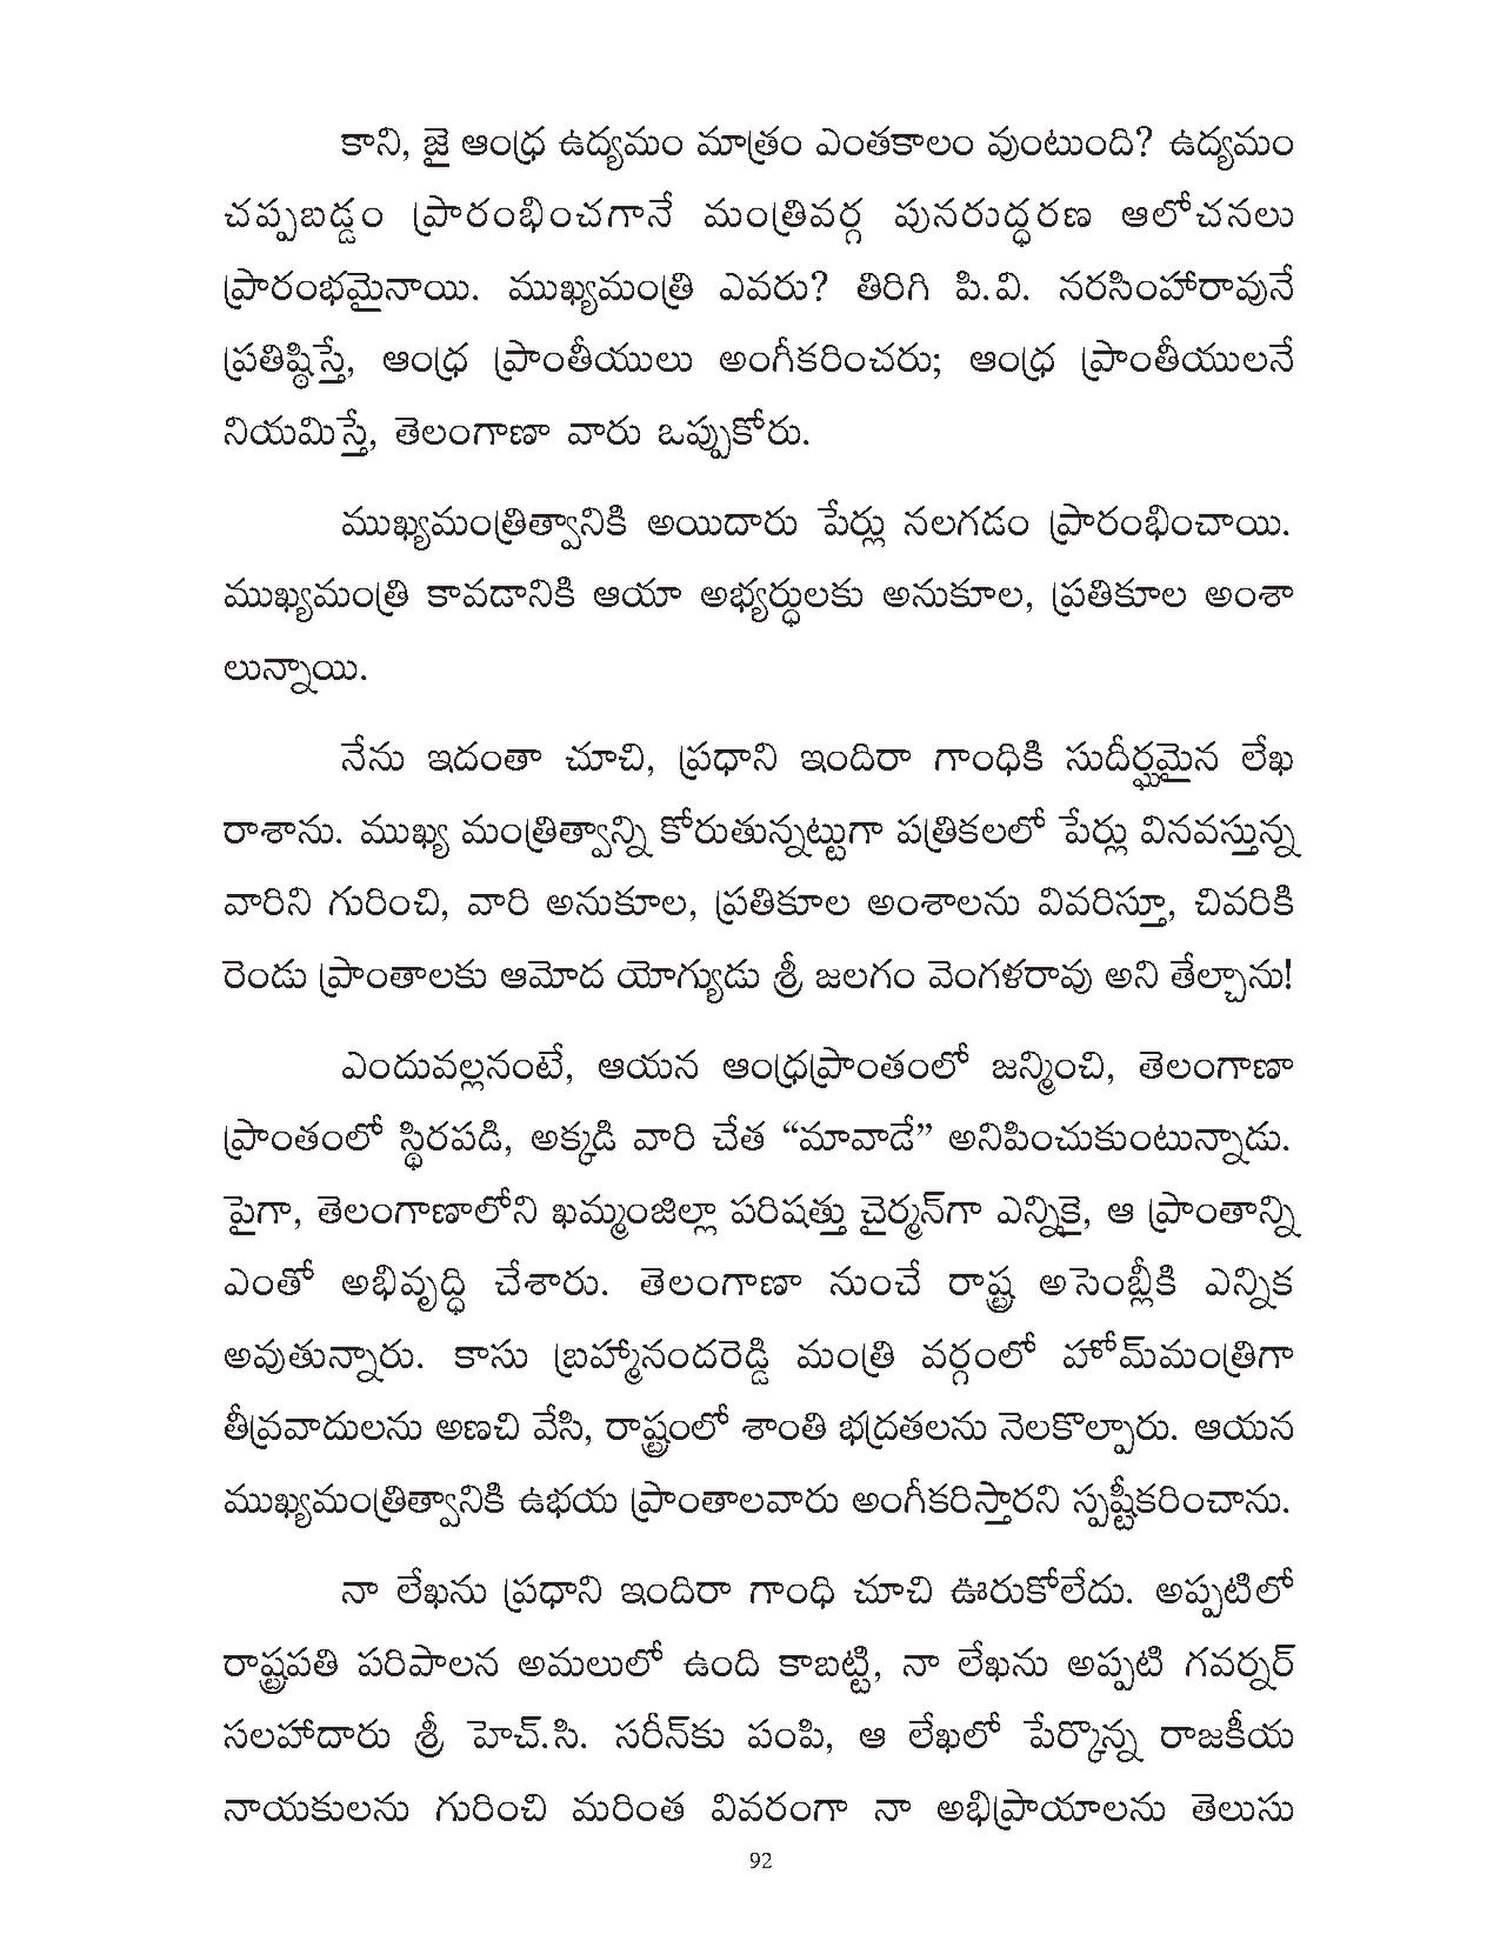కాని, జై ఆంధ్ర ఉద్యమం మాత్రం ఎంతకాలం వుంటుంది? ఉద్యమం
చప్పబడ్డం ప్రారంభించగానే మంత్రివర్గ పునరుద్ధరణ ఆలోచనలు
ప్రారంభమైనాయి. ముఖ్యమంత్రి ఎవరు? తిరిగి పి.వి. నరసింహారావునే
ప్రతిష్ఠిస్తే, ఆంధ్ర ప్రాంతీయులు అంగీకరించరు; ఆంధ్ర ప్రాంతీయులనే
నియమిస్తే, తెలంగాణా వారు ఒప్పకోరు.

ముఖ్యమంత్రిత్వానికి అయిదారు పేర్లు నలగడం ప్రారంభించాయి.
ముఖ్యమంత్రి కావడనికి ఆయా అభ్యర్ధులకు అనుకూల, ప్రతికూల అంశా
లున్నాయి.

నేను ఇదంతా చూచి, ప్రధాని ఇందిరా గాంధికి సుదీర్ఘమైన లేఖ
రాశాను. ముఖ్య మంత్రిత్వాన్ని కోరుతున్నట్టుగా పత్రికలలో పేర్లు వినవస్తున్న
వారిని గురించి, వారి అనుకూల, ప్రతికూల అంశాలను వివరిస్తూ, చివరికి
రెండు ప్రాంతాలకు ఆమోద యోగ్యుడు శ్రీ జలగం వెంగళరావు అని తేల్చాను!

ఎందువల్లనంటే, ఆయన ఆంధ్రప్రాంతంలో జన్మించి, తెలంగాణా
ప్రాంతంలో స్థిరపడి, అక్కడి వారి చేత "మావాడే" అనిపించుకుంటున్నాడు.
పైగా, తెలంగాణాలోని ఖమ్మంజిల్లా పరిషత్తు చైర్మన్‌గా ఎన్నికై, ఆ ప్రాంతాన్ని
ఎంతో అభివృద్ధి చేశారు. తెలంగాణా నుంచే రాష్ట్ర అసెంబ్లీకి ఎన్నిక
అవుతున్నారు. కాసు బ్రహ్మానందరెడ్డి మంత్రి వర్గంలో హోమ్‌మంత్రిగా
తీవ్రవాదులను అణచి వేసి, రాష్ట్రంలో శాంతి భద్రతలను నెలకొల్పారు. ఆయన
ముఖ్యమంత్రిత్వానికి ఉభయ ప్రాంతాలవారు అంగీకరిస్తారని స్పష్టీకరించాను.

నా లేఖను ప్రధాని ఇందిరా గాంధి చూచి ఊరుకోలేదు. అప్పటిలో
రాష్ట్రపతి పరిపాలన అమలులో ఉంది కాబట్టి, నా లేఖను అప్పటి గవర్నర్‌
సలహాదారు శ్రీ హెచ్‌.సి. సరీన్‌కు పంపి, ఆ లేఖలో పేర్కొన్న రాజకీయ
నాయకులను గురించి మరింత వివరంగా నా అభిప్రాయాలను తెలుసు